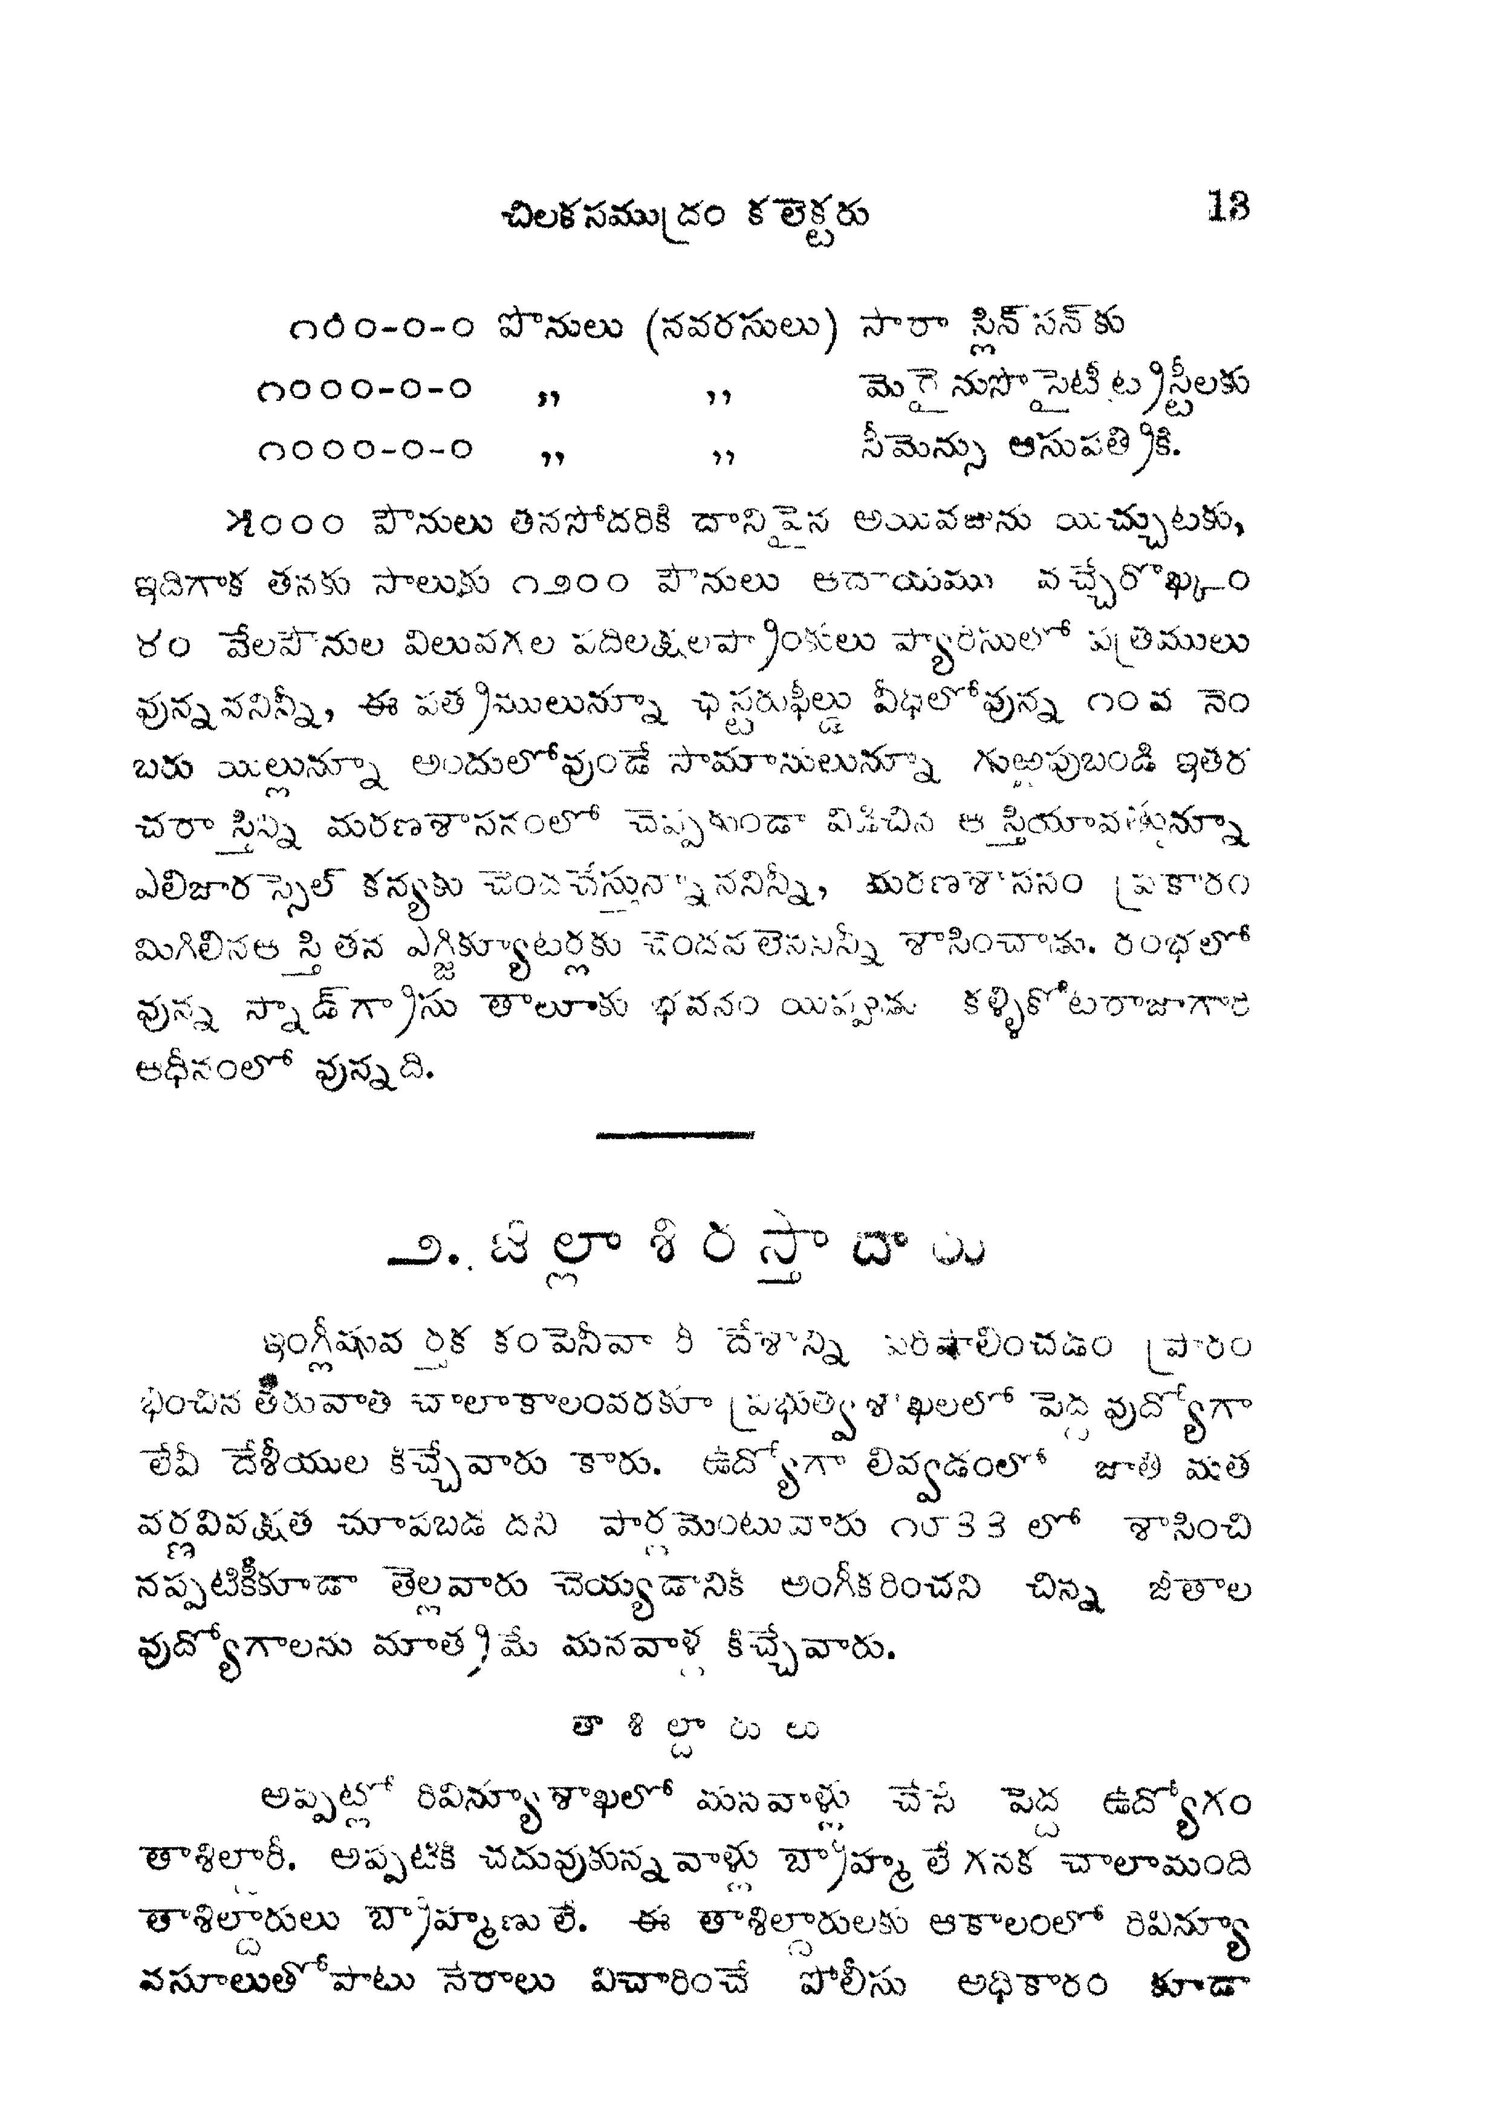1000-0-00 పౌనులు (నవరసులు) సారా స్లిన్ సన్ కు 
 10000-0-0 " " మెరైనుసొసైటీట్రస్టీలకు
 10000-0-0 " " సీమెన్సు ఆసుపత్రికి. 

5000 పౌనులు తనసొదరికి దానిపైన అయివజును యిచ్చుటకు, ఇదిగాక తనకు సాలుకు 1200 పౌనులు ఆదాయము వచ్చేరొఖ్కం 40 వేల పౌనుల విలువగల పదిలక్షలఫ్రాంకులు ప్యారిసులో సత్రములు వున్నవనిన్నీ, ఈ సత్రములున్నూ చస్టరుఫీల్డు వీధిలొవున్న 10 వ నెంబరు యిల్లున్నూ అందులోవుండే సామానూలున్నూ గుఱ్ఱపుబండి ఇతర చరాస్తిన్ని మరణశాసనంలో చెప్పకుండా విడిచిన ఆస్తియావత్తున్నూ ఎలిజారస్సెల్ కన్యకు చెందచేస్తున్నాననిన్నీ, మరణశాననం ప్రకారం మిగిలినఆస్తి తన ఎగ్జిక్యూటర్లకు చెందవలననిన్నీ శాసించాడు. రంభలో వున్న స్నాడ్ గ్రాసు తాలూకు భవనం యిప్పుడు కళ్ళికొట రాజాగారి అధీనంలో వున్నది.
 

 
ఇంగ్లీషువర్తక కంపెనీవా రీ దేశాన్ని పరిపాలించడం ప్రారంభించిన తరువాత చాలాకాలంవరకూ ప్రభుత్వశాఖలలో పెద్ద వుద్యోగాలెవీ దేశీయుల కెచ్చేవారు కారు. ఉద్యోగా లివ్వడంలో జాతి మత వర్ణవివక్షత చూపబడదని పార్లమెంటు వారు 1233 లో శాసించి నప్పటికీకూడా తెల్లవారు చెయ్యడానికి అంగీకరించని చిన్న జీతాల వుద్యోగాలను మాత్రమే మనవాళ్ల కిచ్చేవారు.

 
అప్పట్లో రివిన్యూశాఖలో మనవాళ్లు చేసే పెద్ద ఉద్యోగం తాశీల్దారీ, అప్పటికి చదువుకున్నవాళ్లు బ్రాహ్మలే గనుక చాలామంది తాసిల్దారులు బ్రాహ్మణులే. ఈ తాశెల్దారులకు ఆ కాలంలో రివిన్యూ వసూలుతో పాటు నేరాలు విచారించే పోలీసు అధికారం కూడా